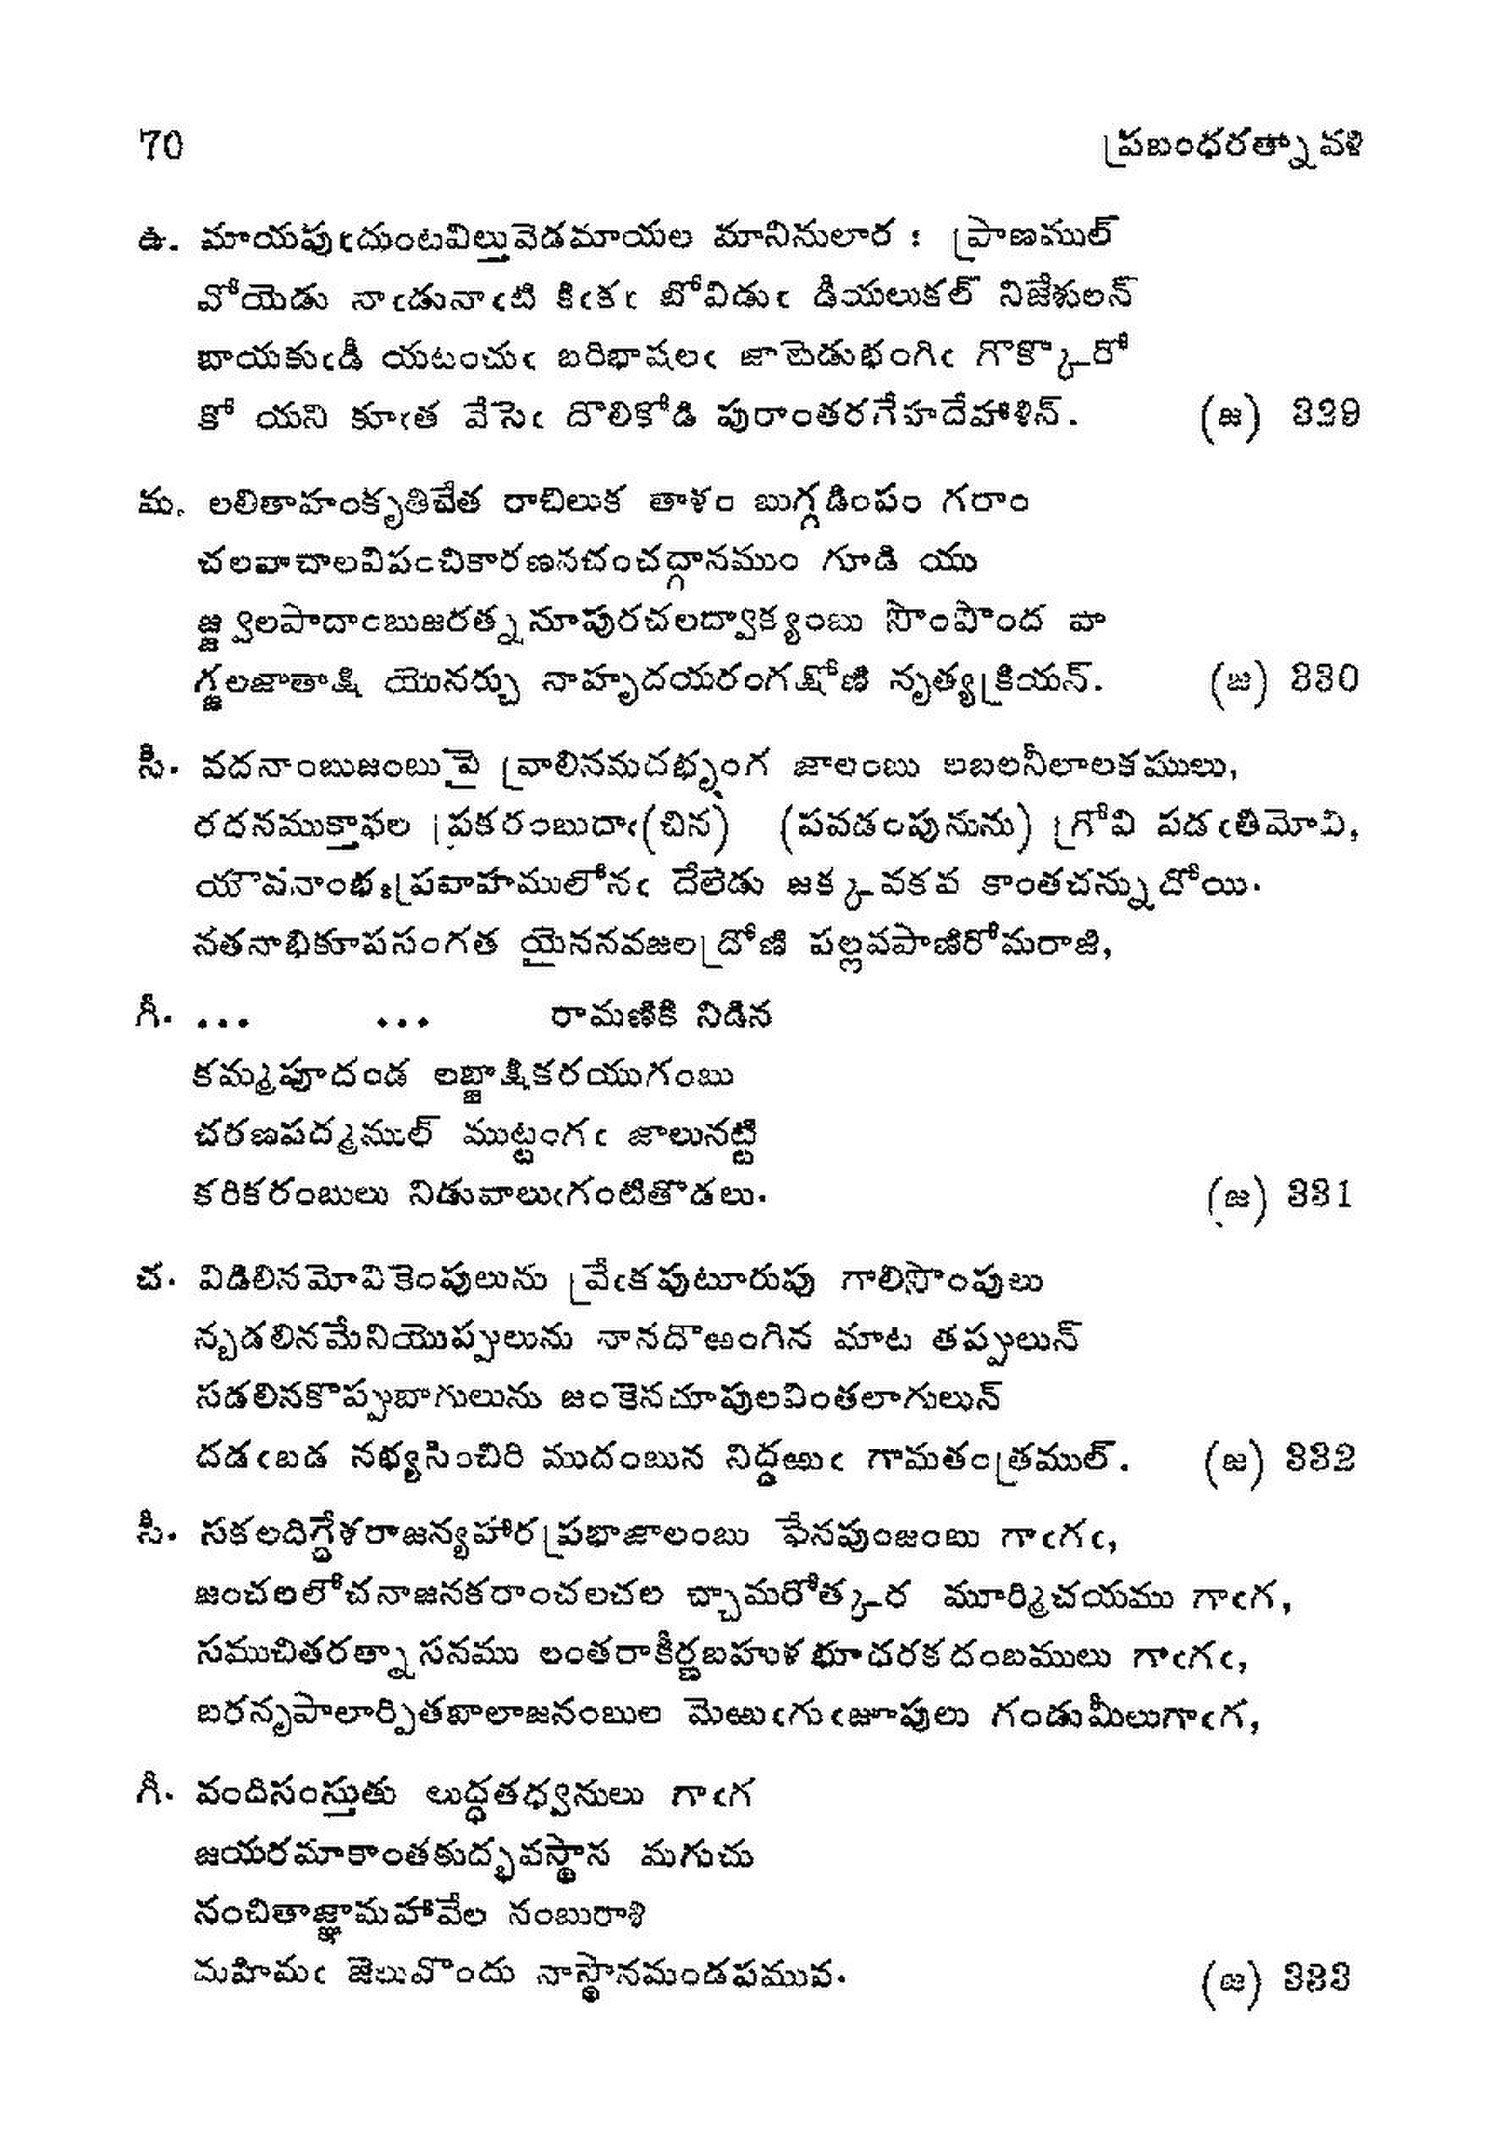ఉ. మాయపుఁదుంటవిల్తు వెడమాయల మానినులార! ప్రాణముల్
వోయెడునాఁడునాఁటికిఁకఁ బోవిడుఁ డీ యలుకల్ నిజేశులన్
బాయకుఁడీ యటంచుఁ బరిభాషలఁ జాటెడుభంగి కొక్కురో
కో యని కూఁత వేసెఁ దొలికోడి పురాంతరగేహదేహళిన్. (జ) 329

మ. లలితాహంకృతిచేత రాచిలుక తాళం బుగ్గడింపం గరాం
చలవాచాలవిపంచికారణనచంచద్గానముం గూడి యు
జ్జ్వలపాదాంబుజ రత్ననూపురచలద్వాక్యంబు సొంపొంద వా
గ్జలజాతాక్షి యొనర్చు నా హృదయరంగక్షోణి నృత్యక్రియన్. (జ) 330

సీ. వదనాంబుజంబుపై వ్రాలిన మదభృంగ జాలంబు లబల నీలాలకములు
రదనముక్తాఫలప్రరంబు దాఁ[చిన పవడంపునును]గ్రోవి పడఁతి మోవి
యౌవనాంభఃప్రవాహములోనఁ దేలెడు జక్కవ కవకాంత చన్నుదోయి
నతనాభికూపసంగతయైన నవజల ద్రోణి పల్లవపాణి రోమరాజి
గీ. ... ... ... ... రామణికి నిడిన
కమ్మపూదండ లబ్జాక్షి కరయుగంబు
చరణపద్మముల్ ముట్టంగఁ జాలునట్టి
కరికరంబులు నిడువాలుఁగంటి తొడలు. (జ) 331

చ. విడిలిన మోవికెంపులును వ్రేకపుటూరువు గాలిసొంపులున్
బడలిన మేనియొప్పులును నానదొఱంగిన మాటతప్పులున్
సడలిన కొప్పుబాగులును జంకెనచూపుల వింతలాగులున్
దడఁబడ నభ్యసించిరి ముదంబున నిద్దఱుఁ గామతంత్రముల్. (జ) 332

సీ. సకలదిగ్దేశరాజన్యహారప్రభా జాలంబు ఫేనపుంజంబు గాఁగఁ
జంచలలోచనాజనకరాంచలచల చ్చామరోత్కర మూర్మిచయము గాఁగఁ
సముచితరత్నాసనము లంతరాకీర్ణబహుళభూధరకదంబములు గాఁగఁ
బరనృపాలార్పిత బాలాజనంబుల మెఱుఁగుఁజూపులు గండుమీలు గాఁగఁ
గీ. వందిసంస్తుతు లద్ధతధ్వనులు గాఁగ
జయ రమాకాంత కుధ్భవస్థాన మగుచు
నంచితాజ్ఞామహావేల నంబురాశి
మహిమఁ జెలువొందు నాస్థానమండపమున. (జ) 333